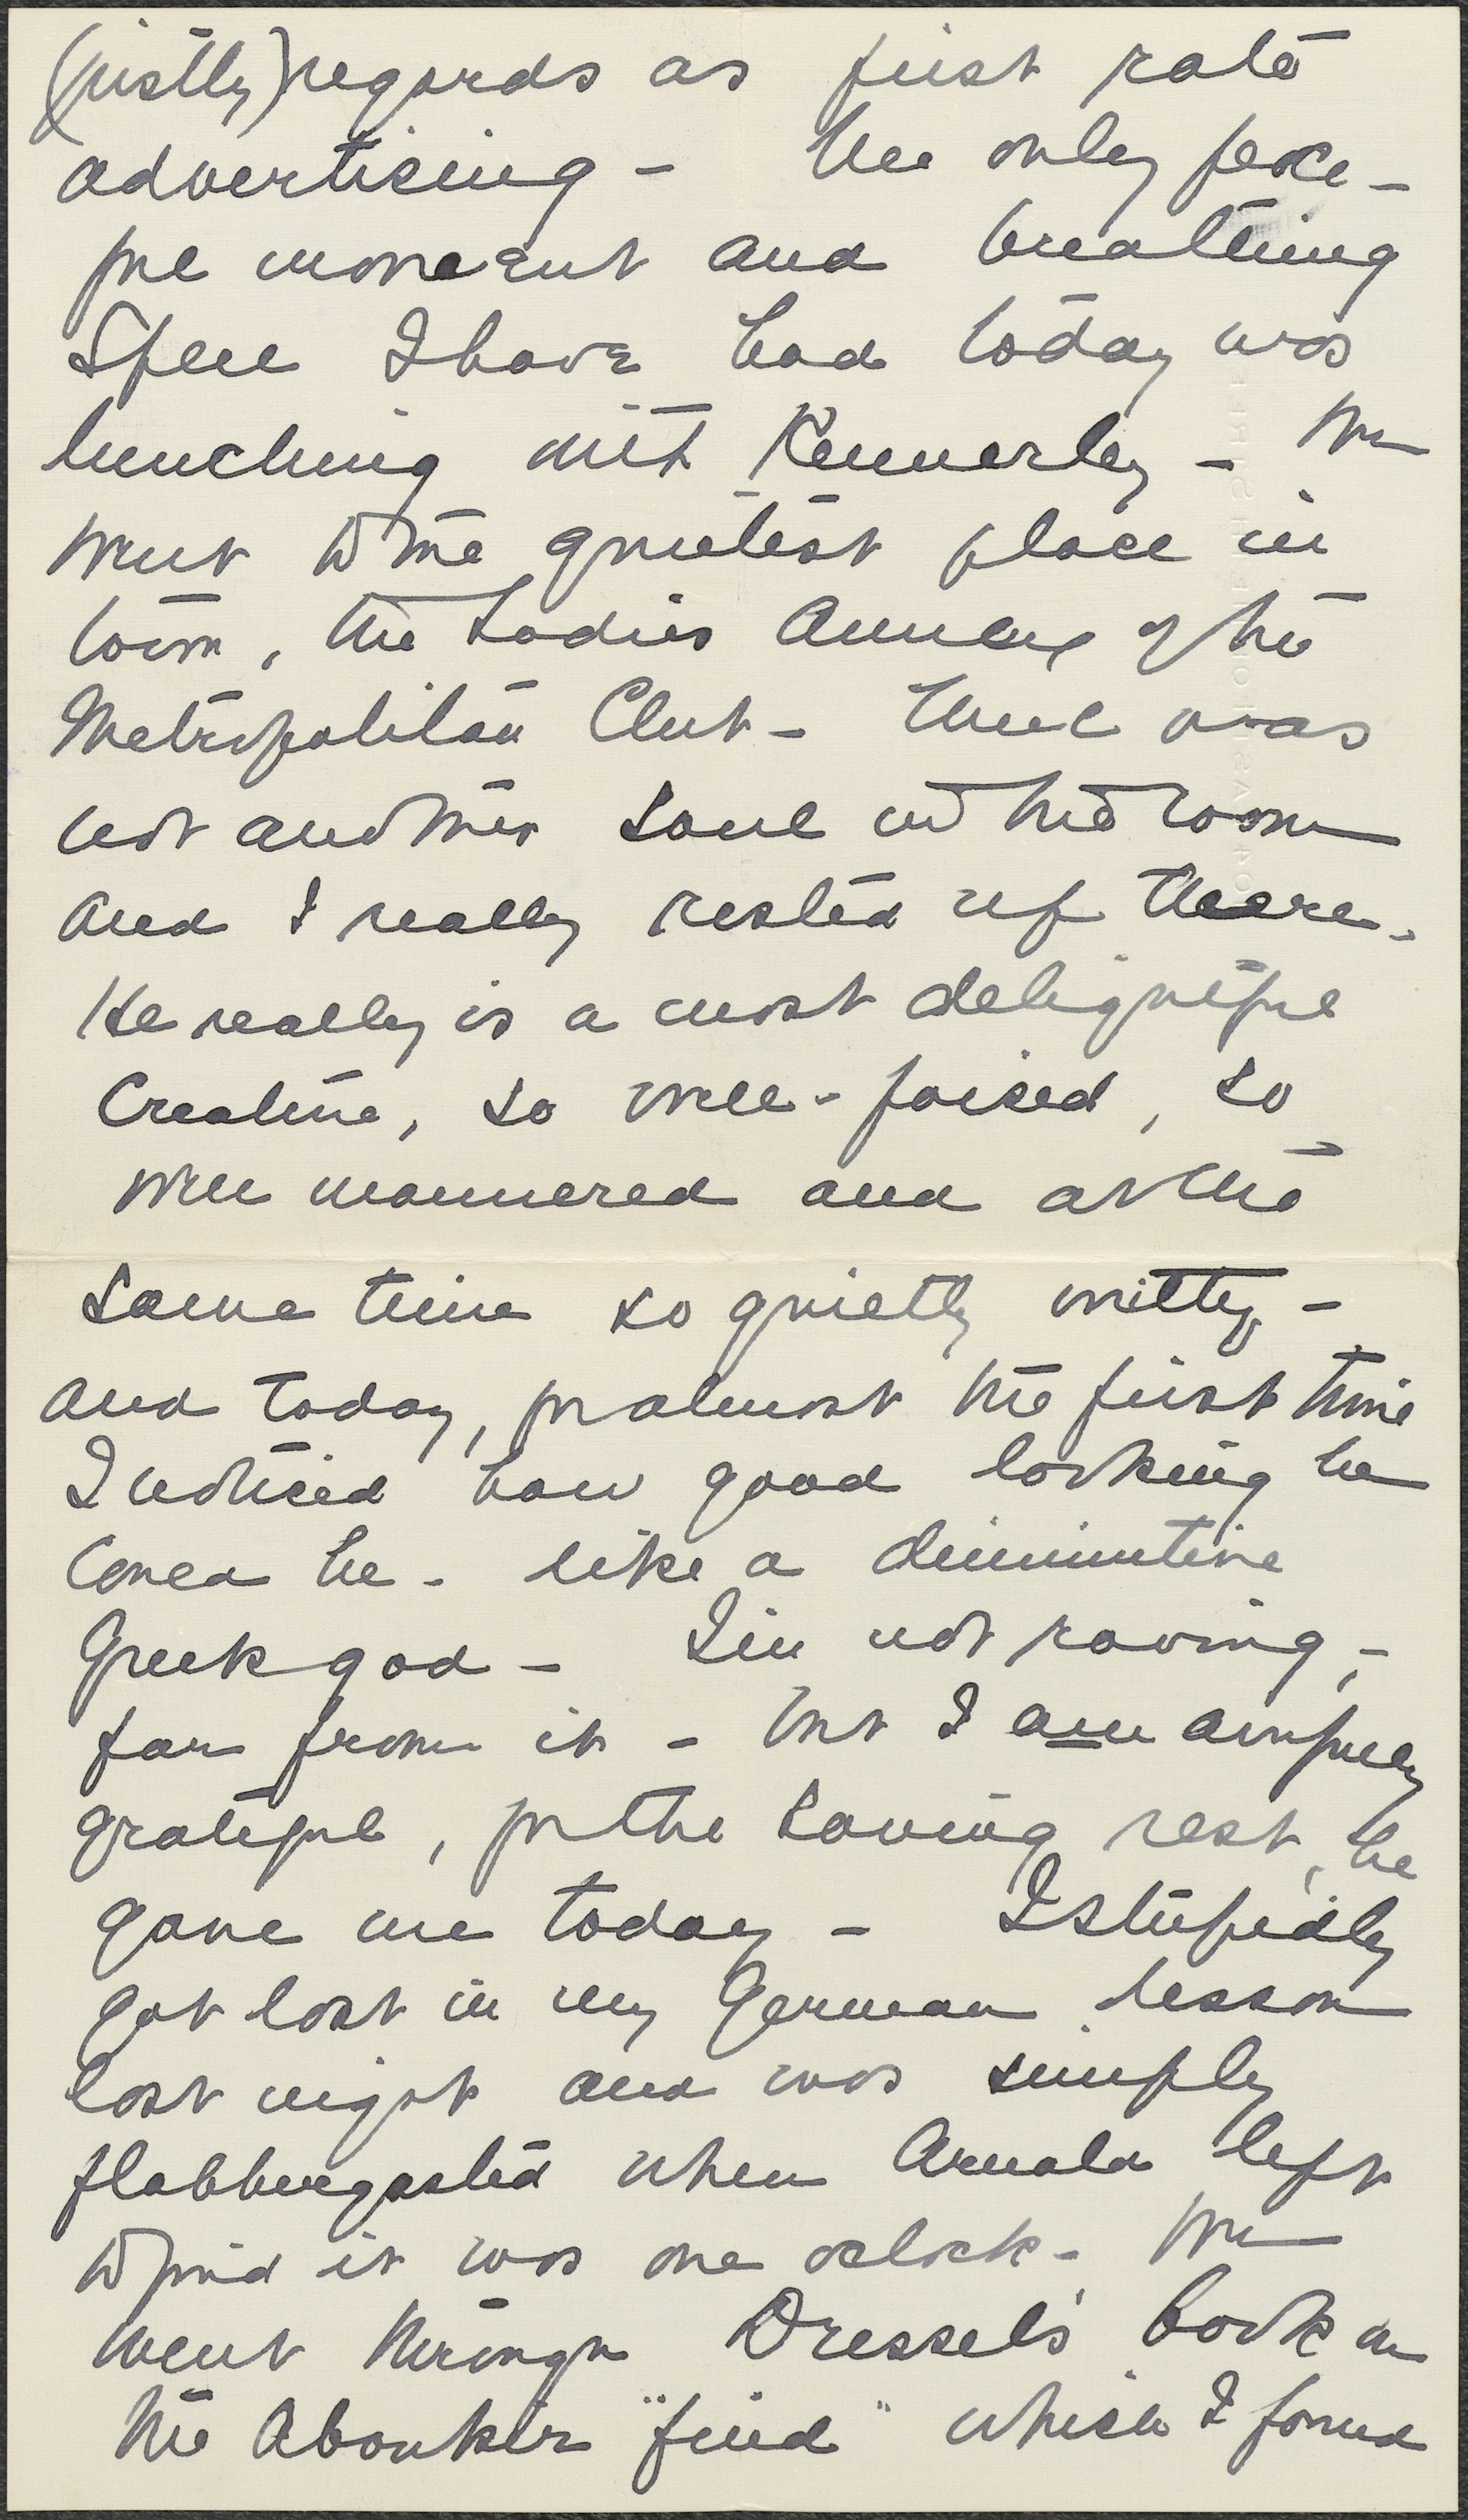(justly) regards as first rate advertising – the only peaceful moment and breathing spell I have had today was lunching with Kennerley – we went to the quietest place in town, the Ladies Annex of the Metropolitan Club – there was not another soul in the room and I really rested up there. He really is a most delightful creature, so well-poised, so well mannered and at the same time so quietly witty – and today, for almost the first time I noticed how good looking he could be – like a diminutive Greek god – I’m not raving, – far from it – but I am awfully grateful, for the having rest, he gave me today – I stupidly got lost in my German lesson last night and was simply flabbergasted when Arnold left to find it was one oclock – we went through Dressel’s book on the Aboukir “find” which I found